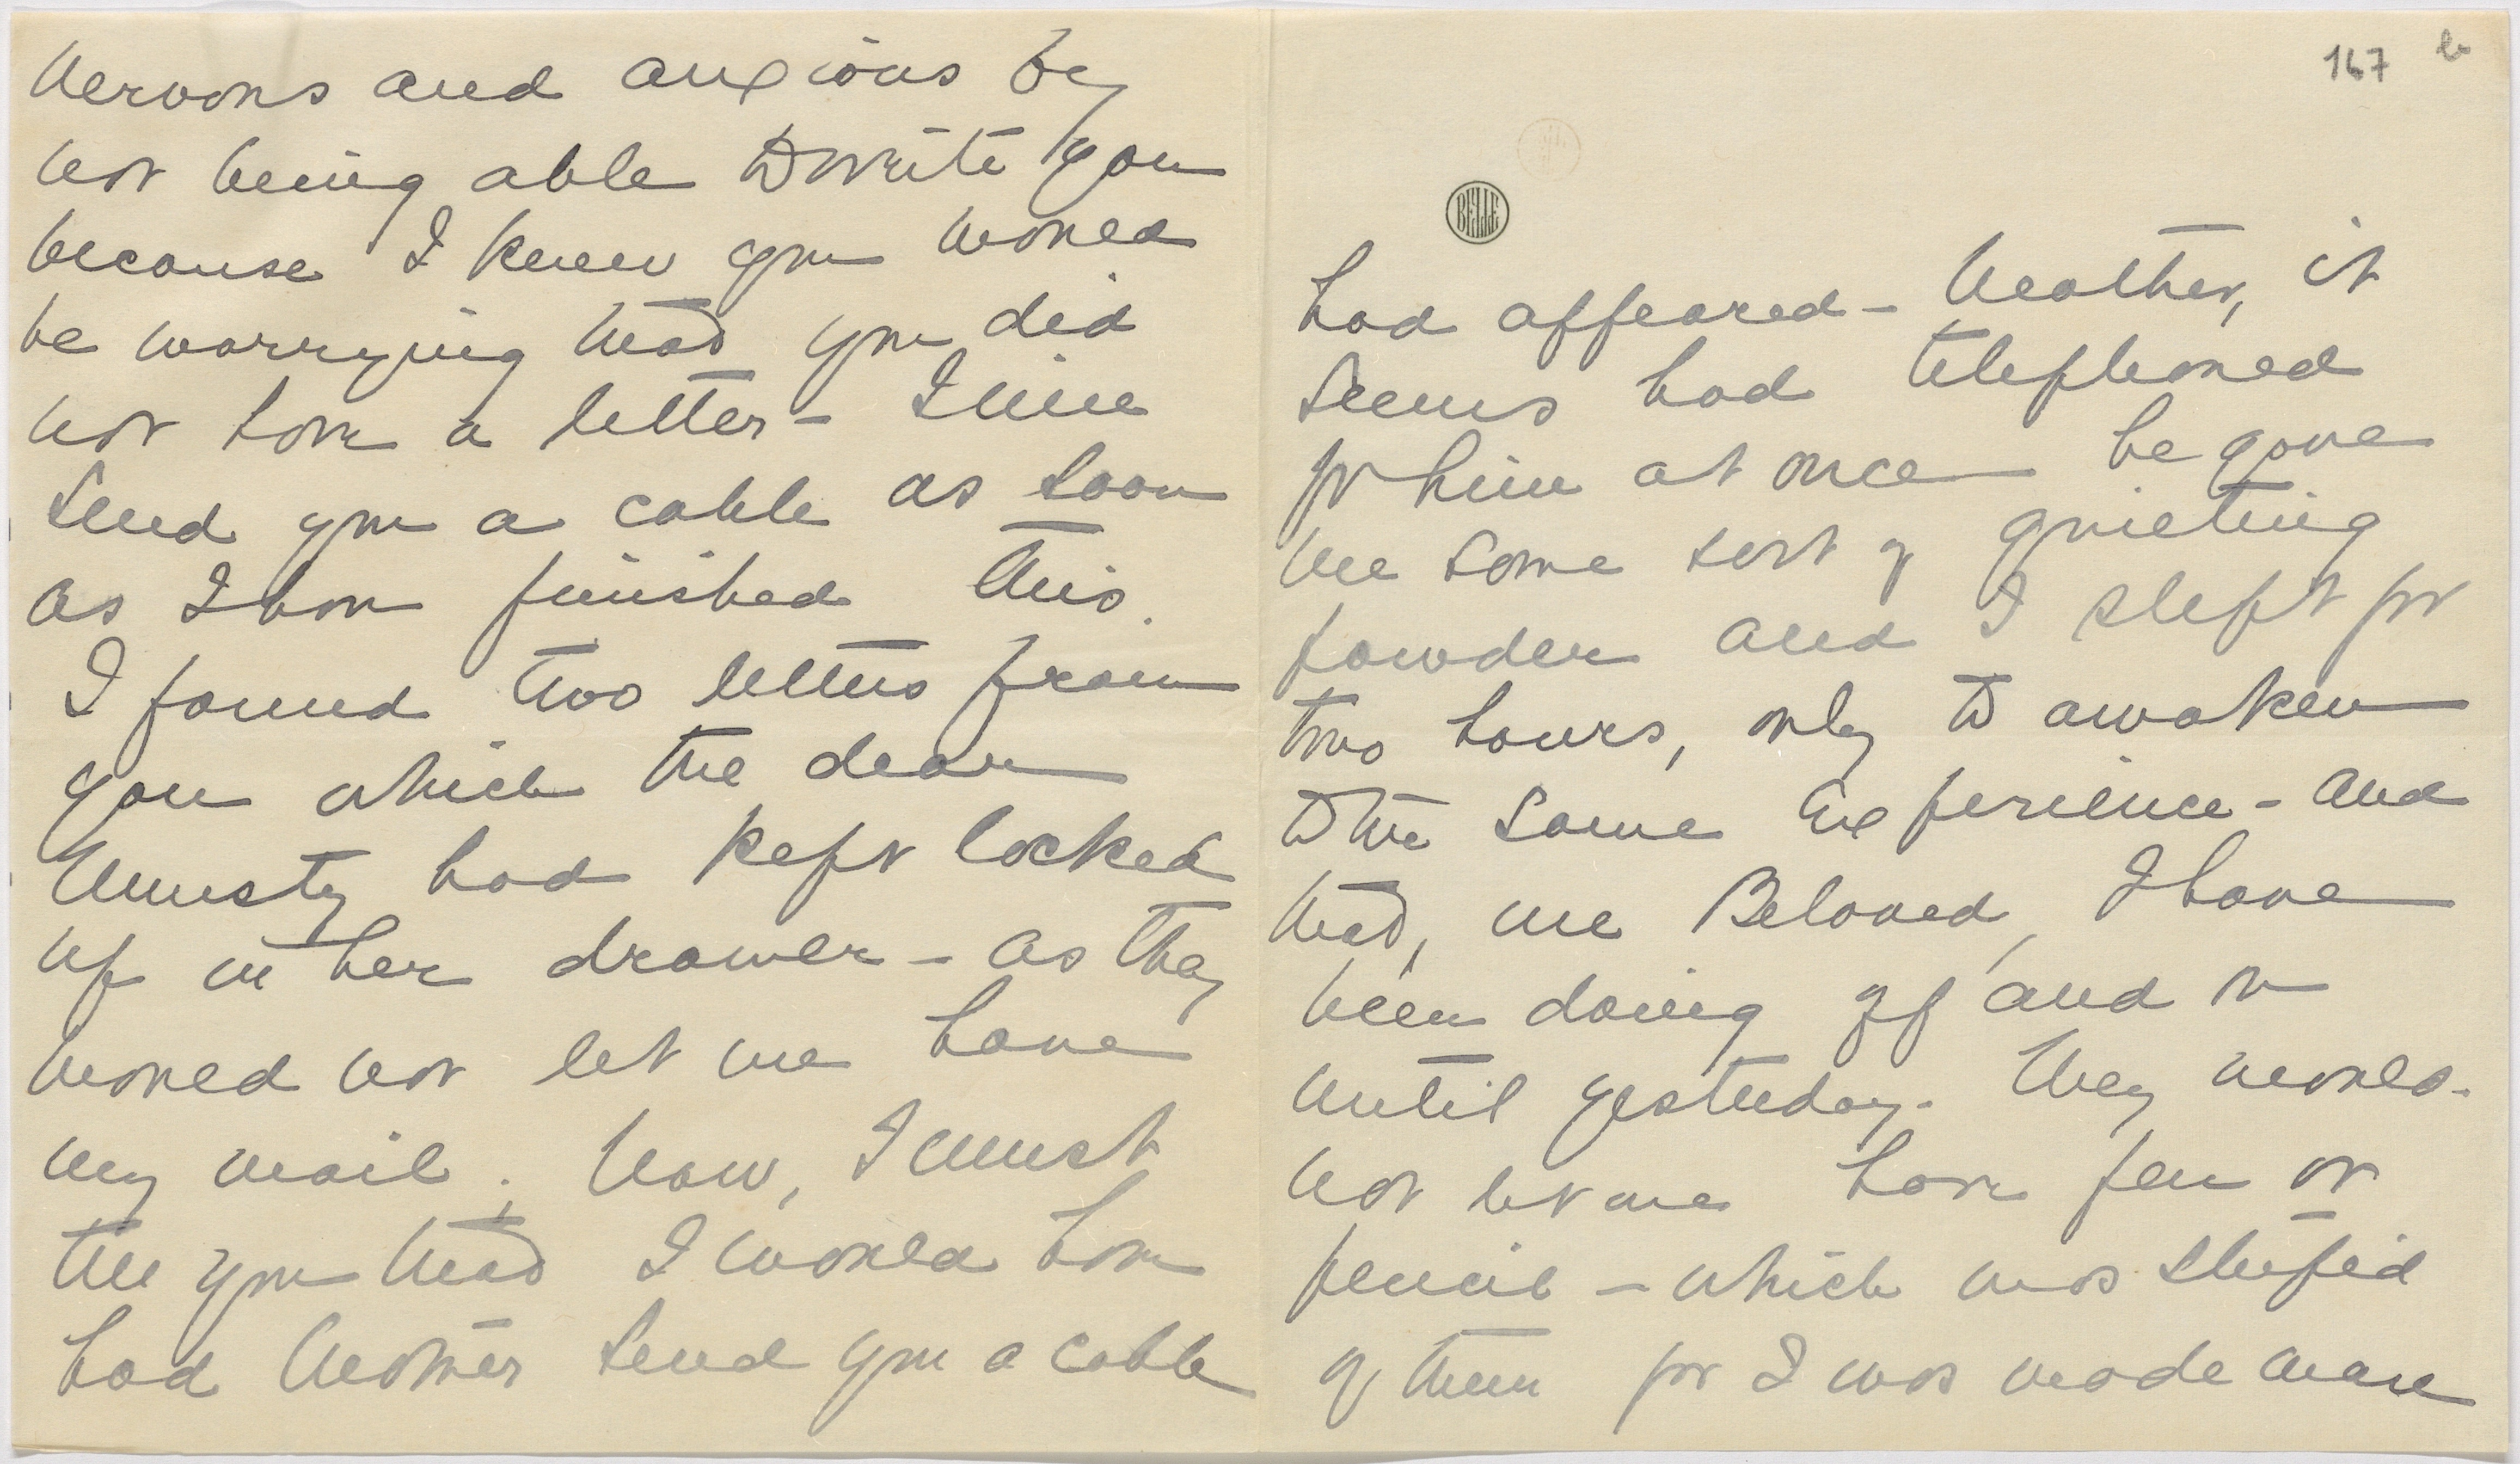had appeared – Mother, it seems had telephoned for him at once – he gave me some sort of quieting powder and I slept for two hours, only to awaken to the same experience – and that, me Beloved, I have been doing off and on until yesterday – They would not let me have pen or pencil – which was stupid of them for I was made more
nervous and anxious by not being able to write you because I knew you would be worrying that you did not have a letter – I will send you a cable as soon as I have finished this.
I found two letters from you which the dear Thursty had kept locked up in her drawer – as they would not let me have my mail; Now, I must tell you that I would have had Mother send you a cable